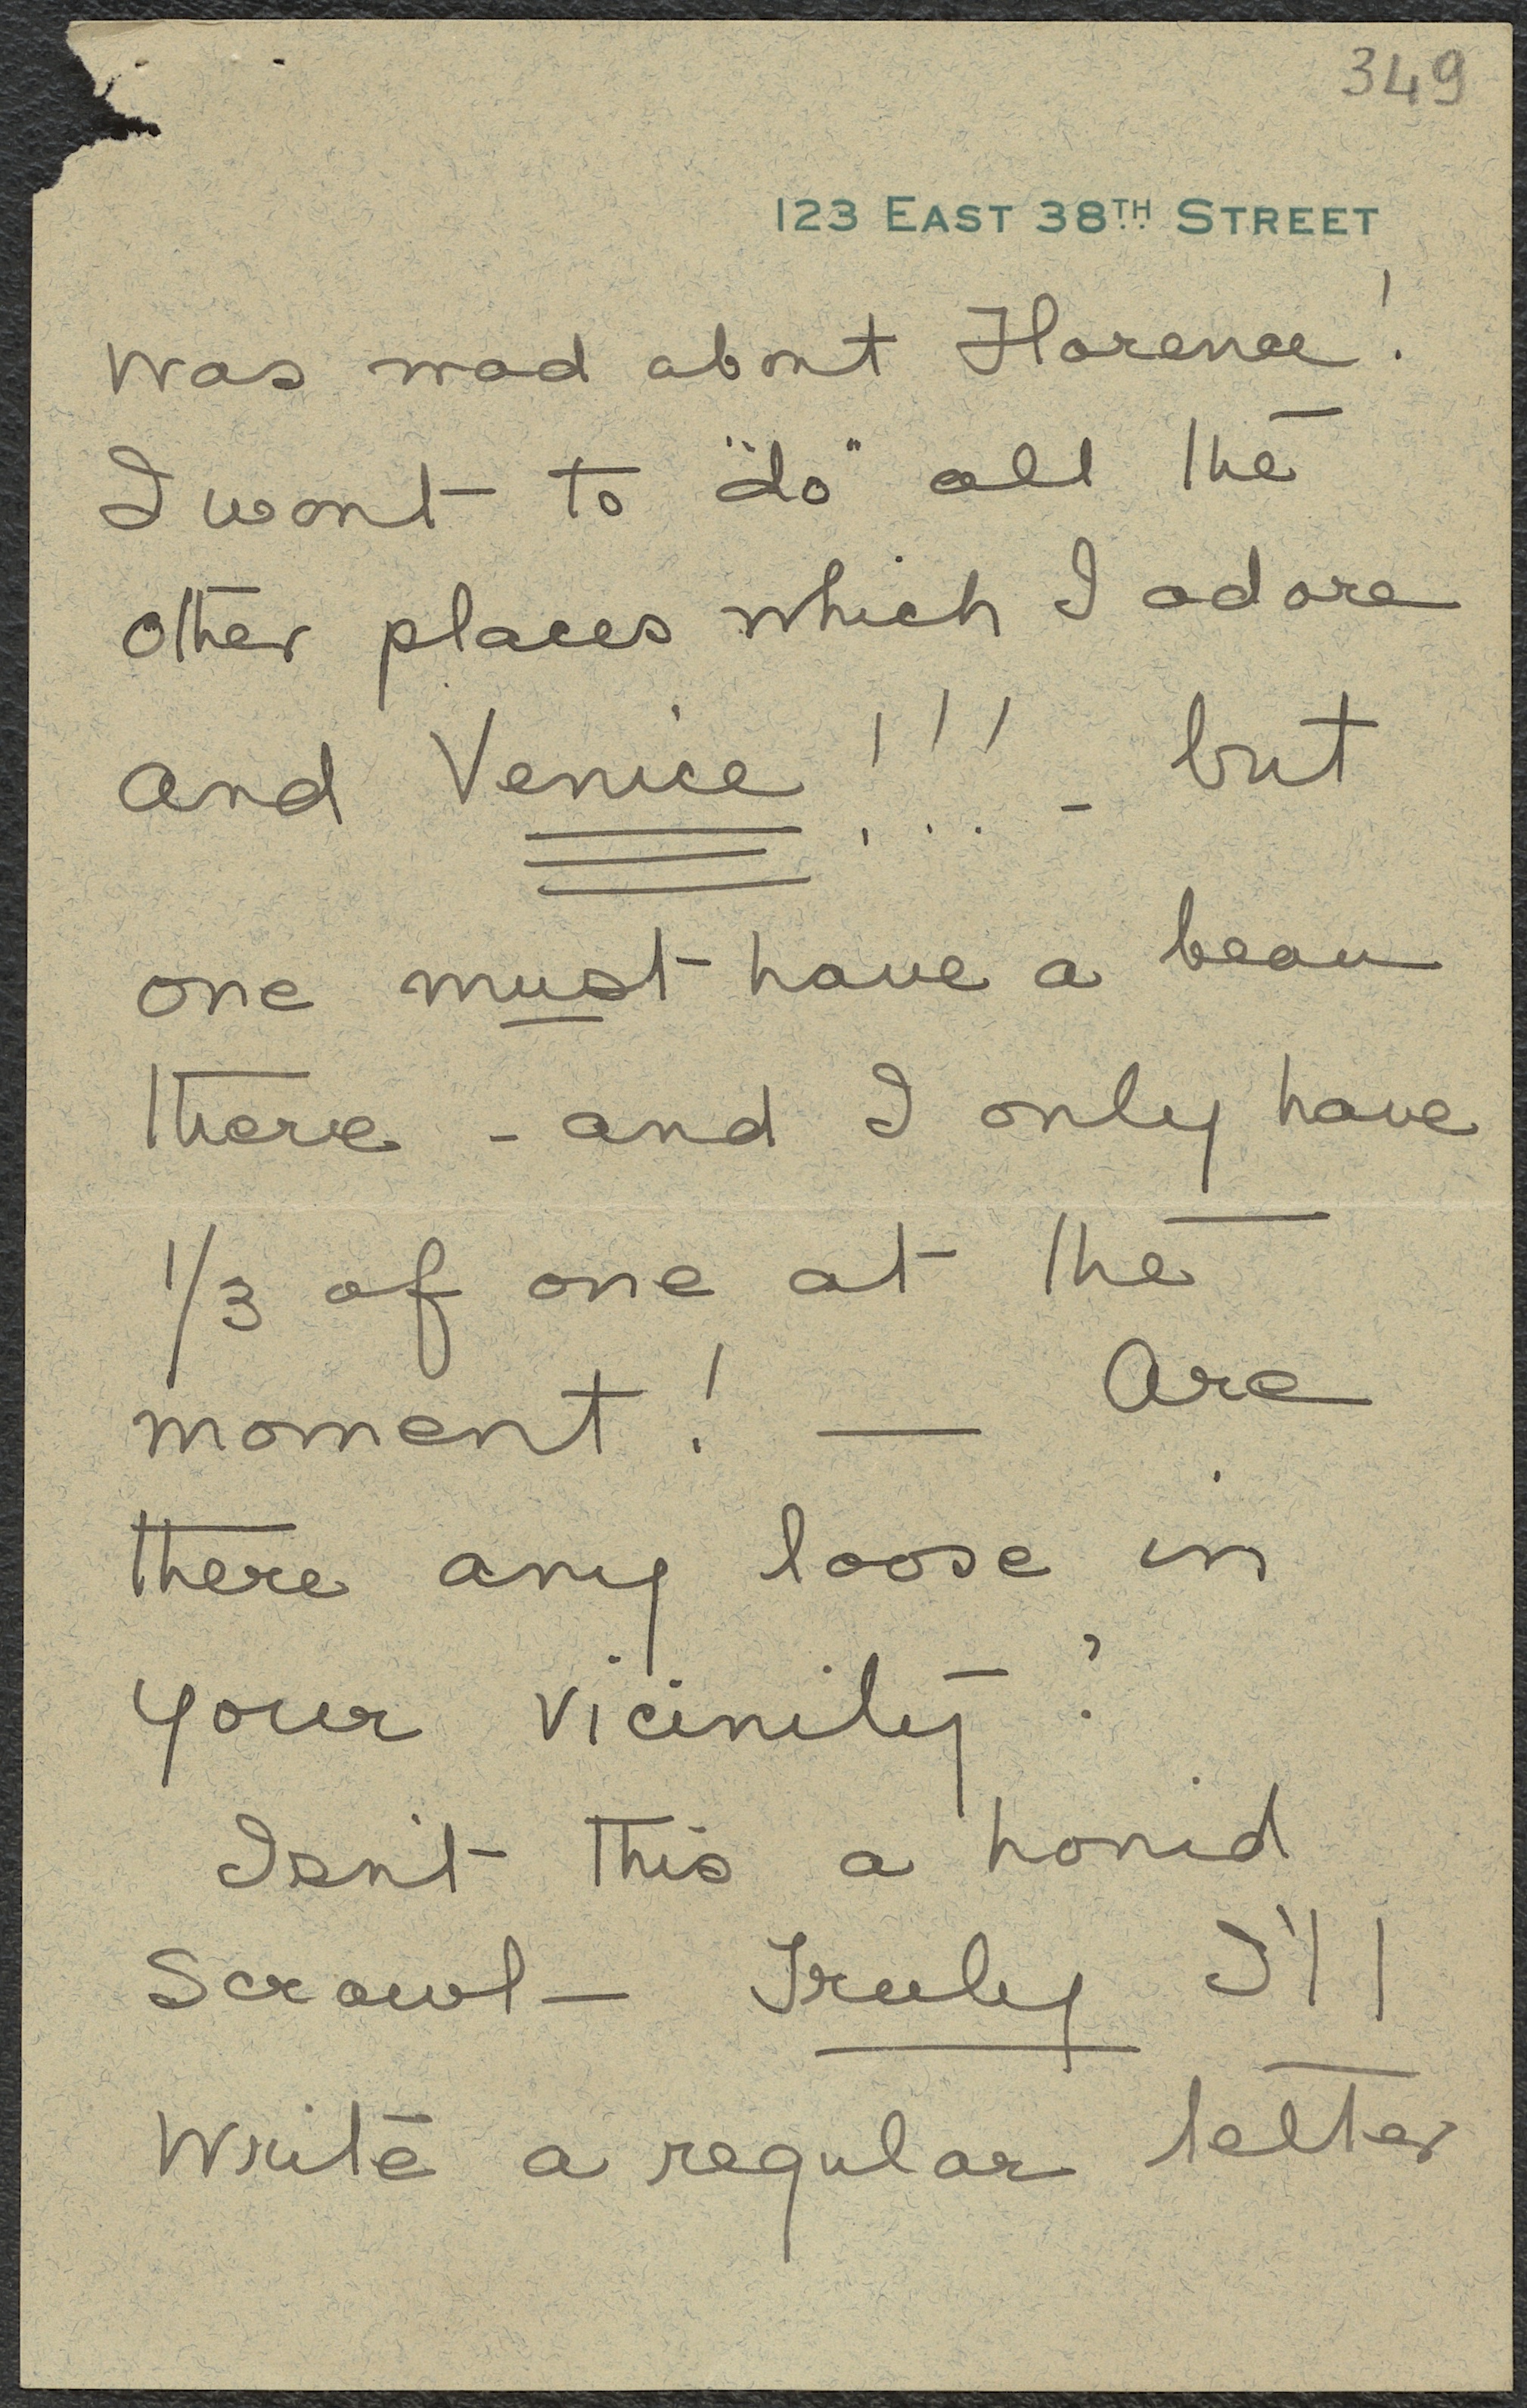was mad about Florence! I want to “do” all the other places which I adore and [triple underlined: Venice]!!! – but one must have a beau there – and I only have 1/3 of one at the moment! – Are there any loose in your vicinity?
Isn’t this a horrid scrawl – Truly I’ll write a regular letter